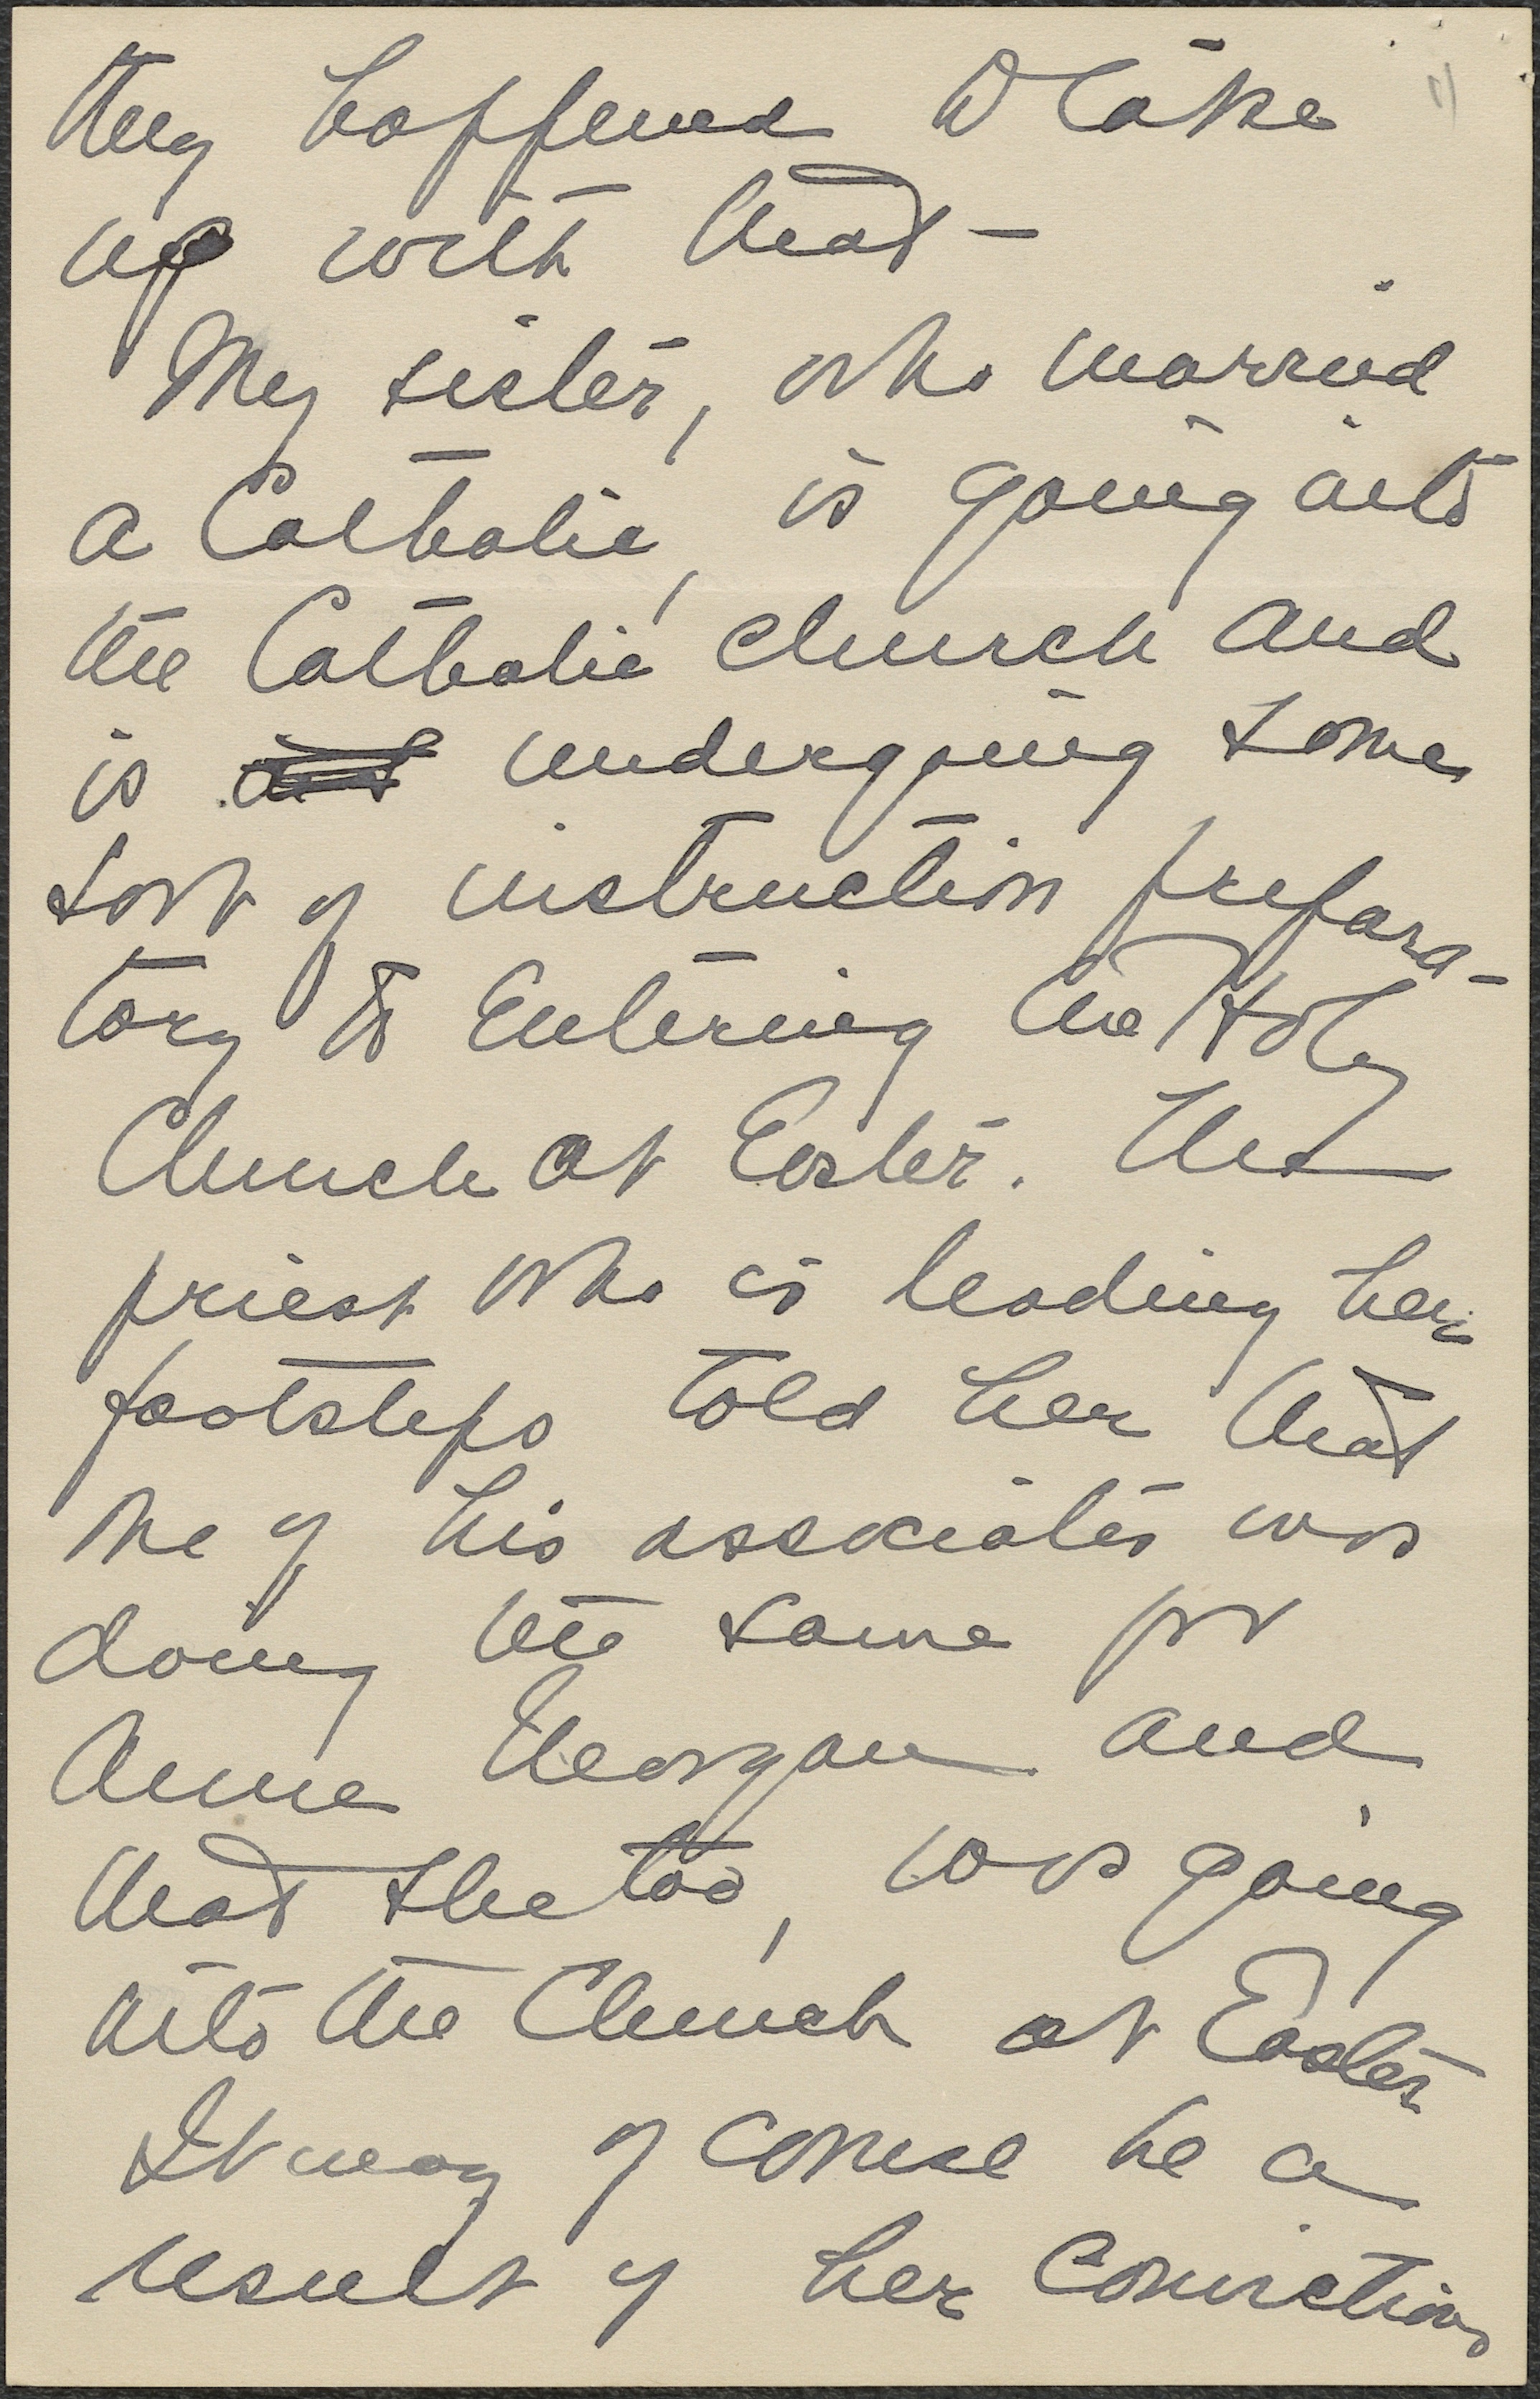they happened to take up with that –
My sister, who married a Catholic, is going into the Catholic church and is in s undergoing some sort of instruction preparatory to entering the Holy Church at Easter. The priest who is leading her footsteps told her that one of his associates was doing the same for Anne Morgan and that she too, was going into the Church at Easter –
It may of course be a result of her convictions